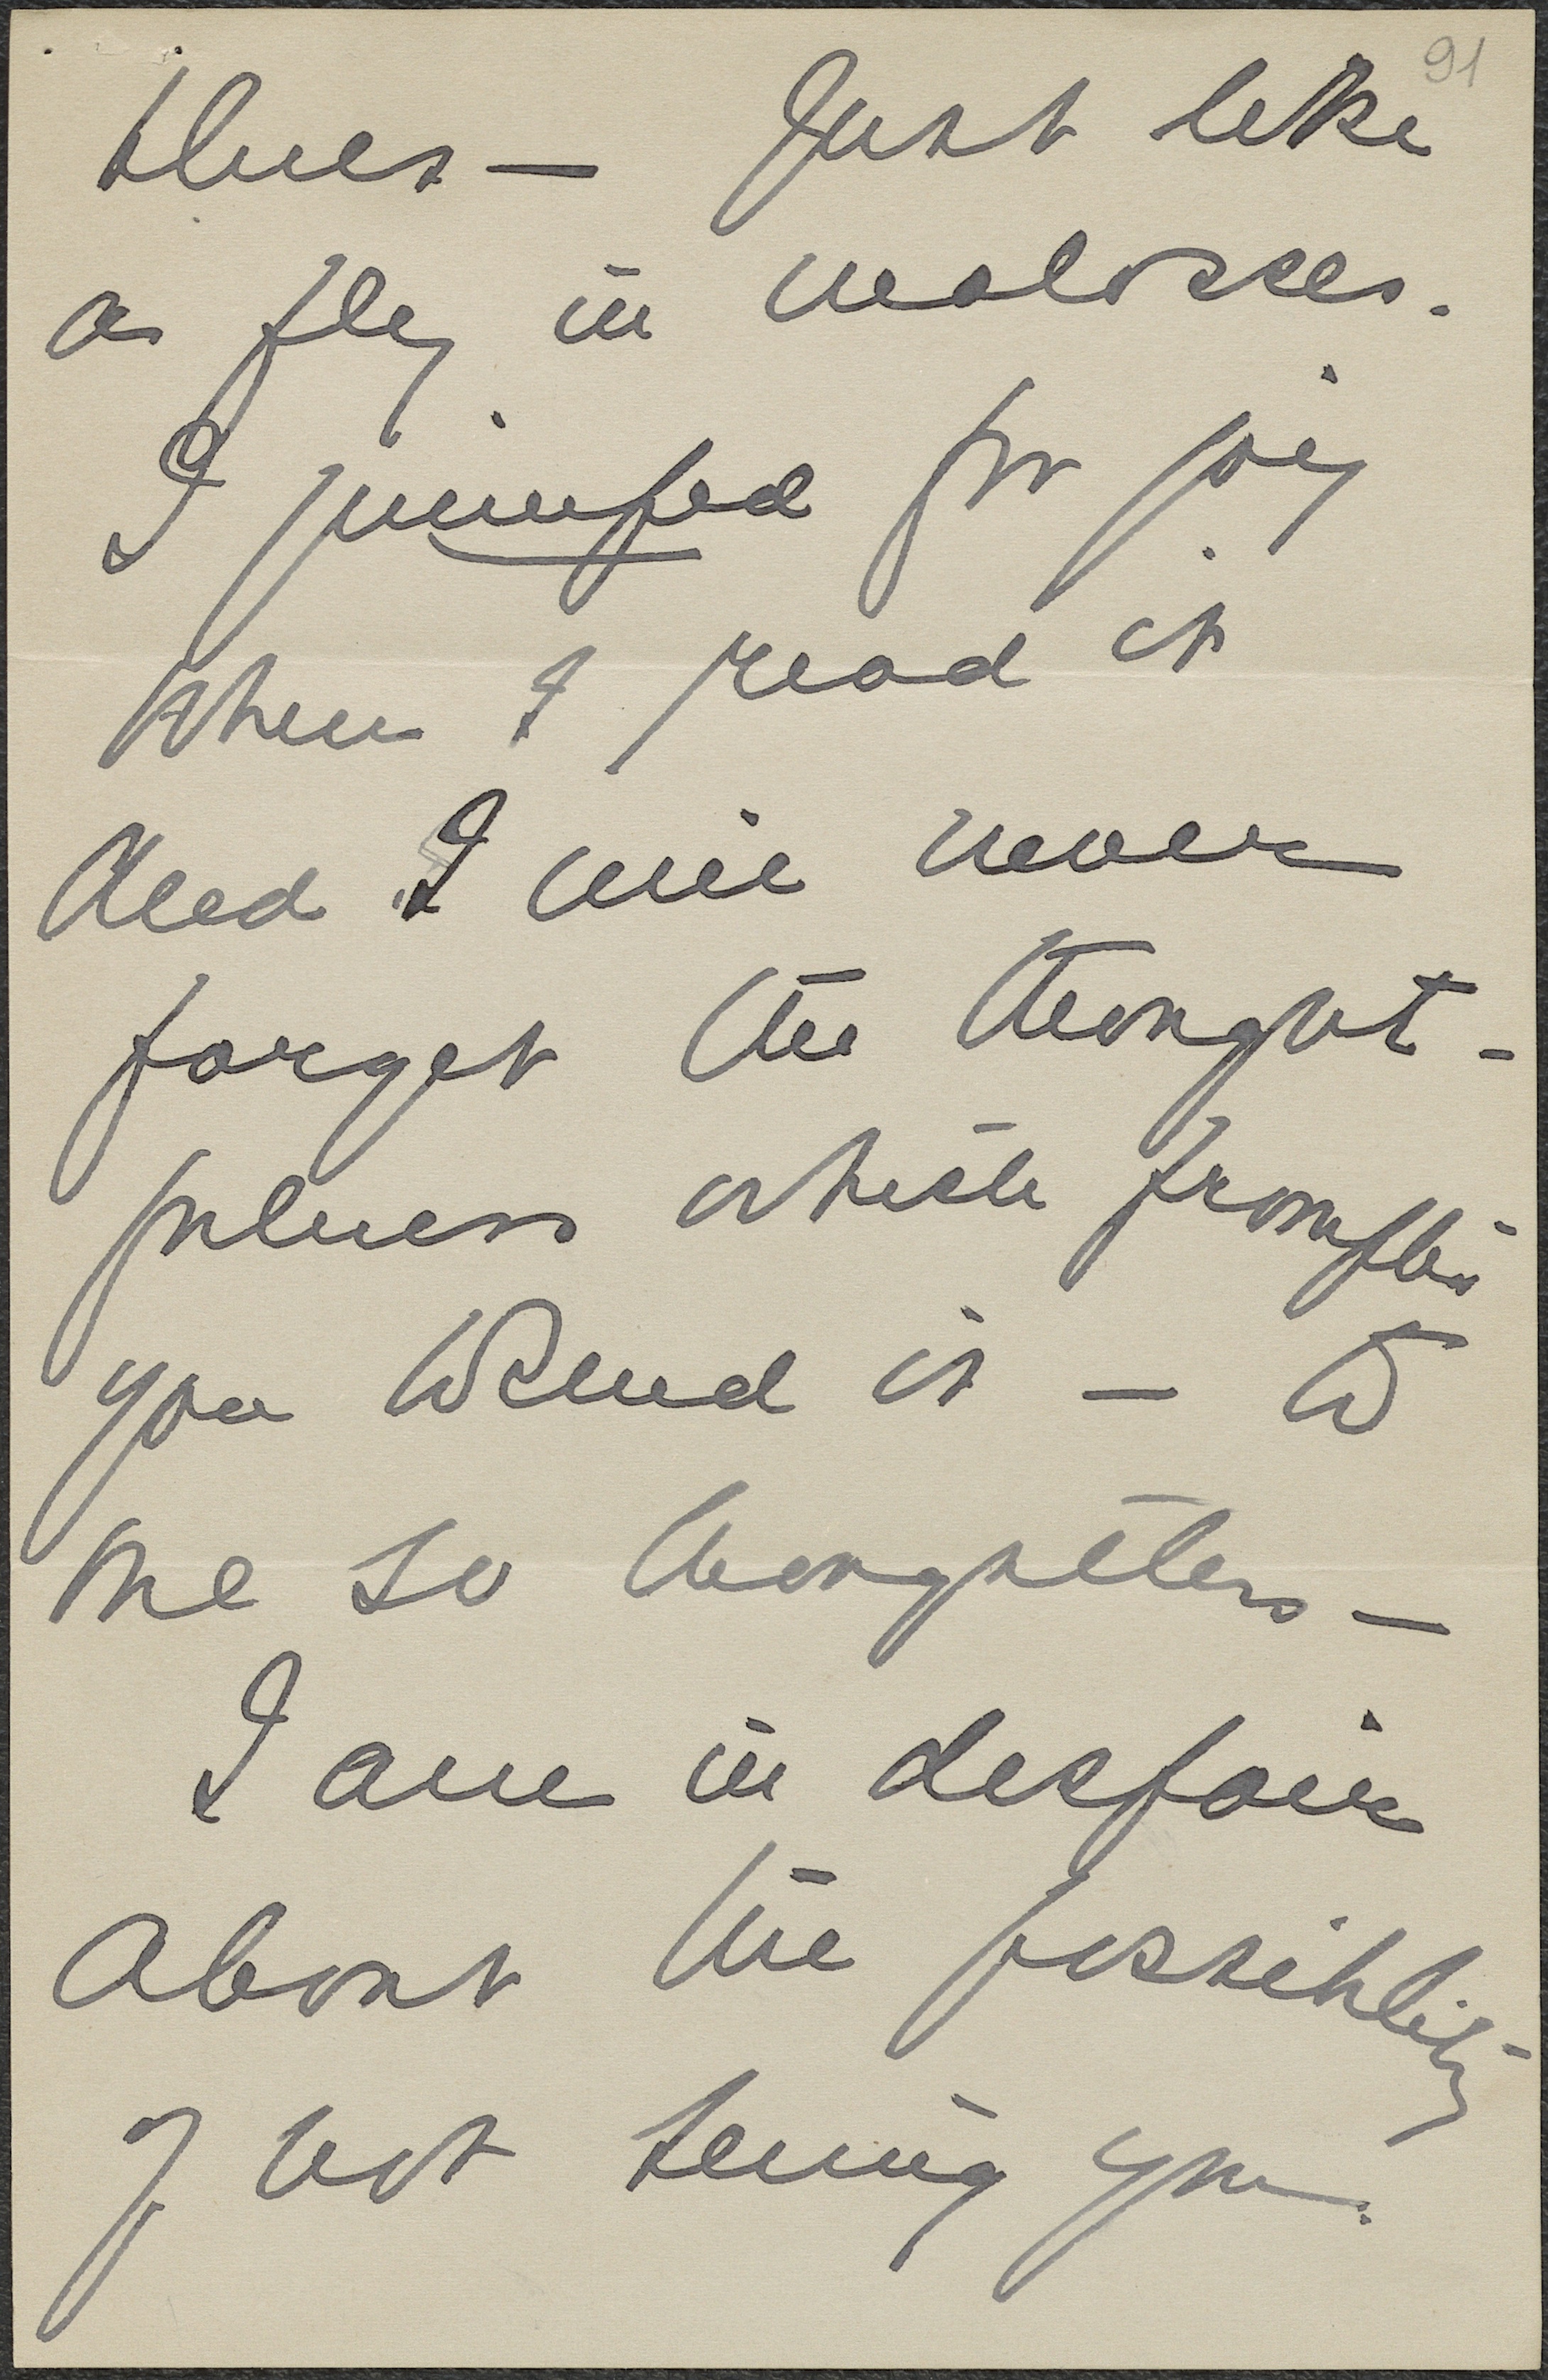blues – Just like a fly in molasses. I jumped for joy when I read it and I will never forget the thoughtfulness which prompted you to send it – to one so thoughtless –
I am in despair about the possibility of not seeing you